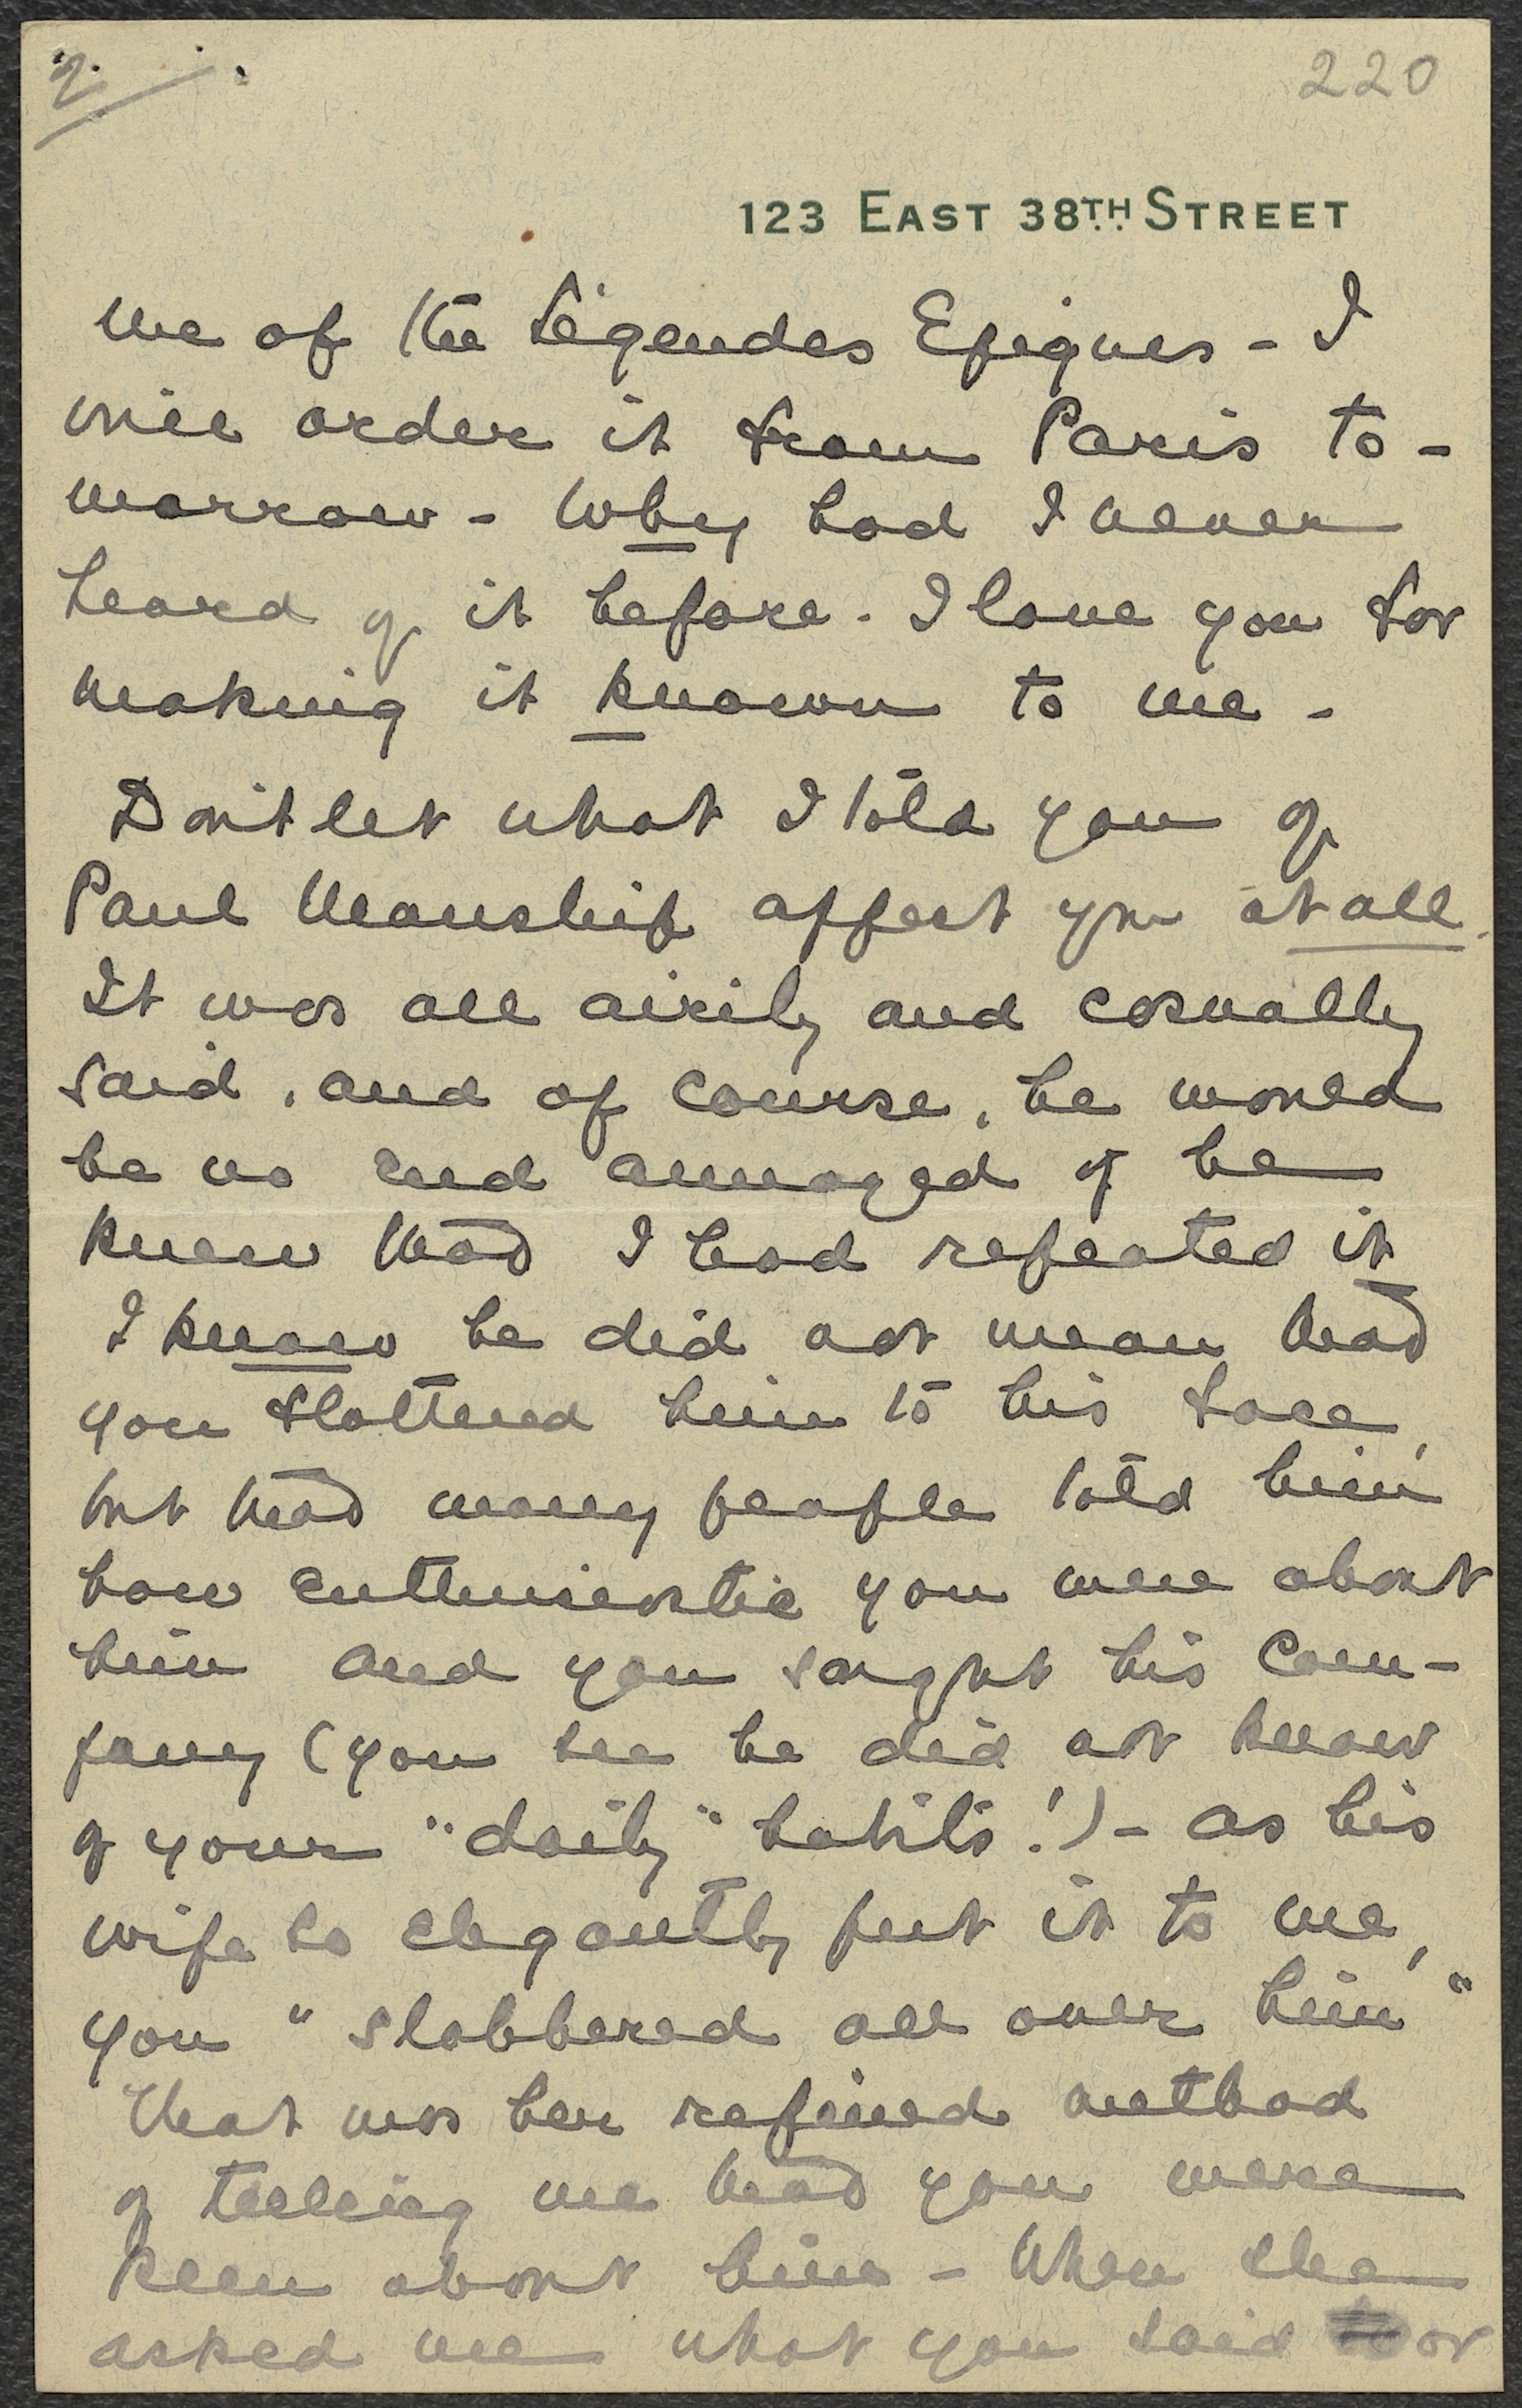me of the Légendes Epiques – I will order it from Paris tomorrow – Why had I never heard of it before. I love you for making it known to me –
Don’t let what I told you what I told you of Paul Manship affect you at all. It was all airily and casually said, and of course, he would be no end annoyed if he knew that I had repeated it
I know he did not mean that you flattered him to his face, but that many people told him how enthusiastic you were about him and you sought his company (you see he did not know of your “daily” habits!) – as his wife so elegantly put it to me, you “slobbered all over him”
That was her refined method of telling me that you were keen about him – When she asked me what you said to or